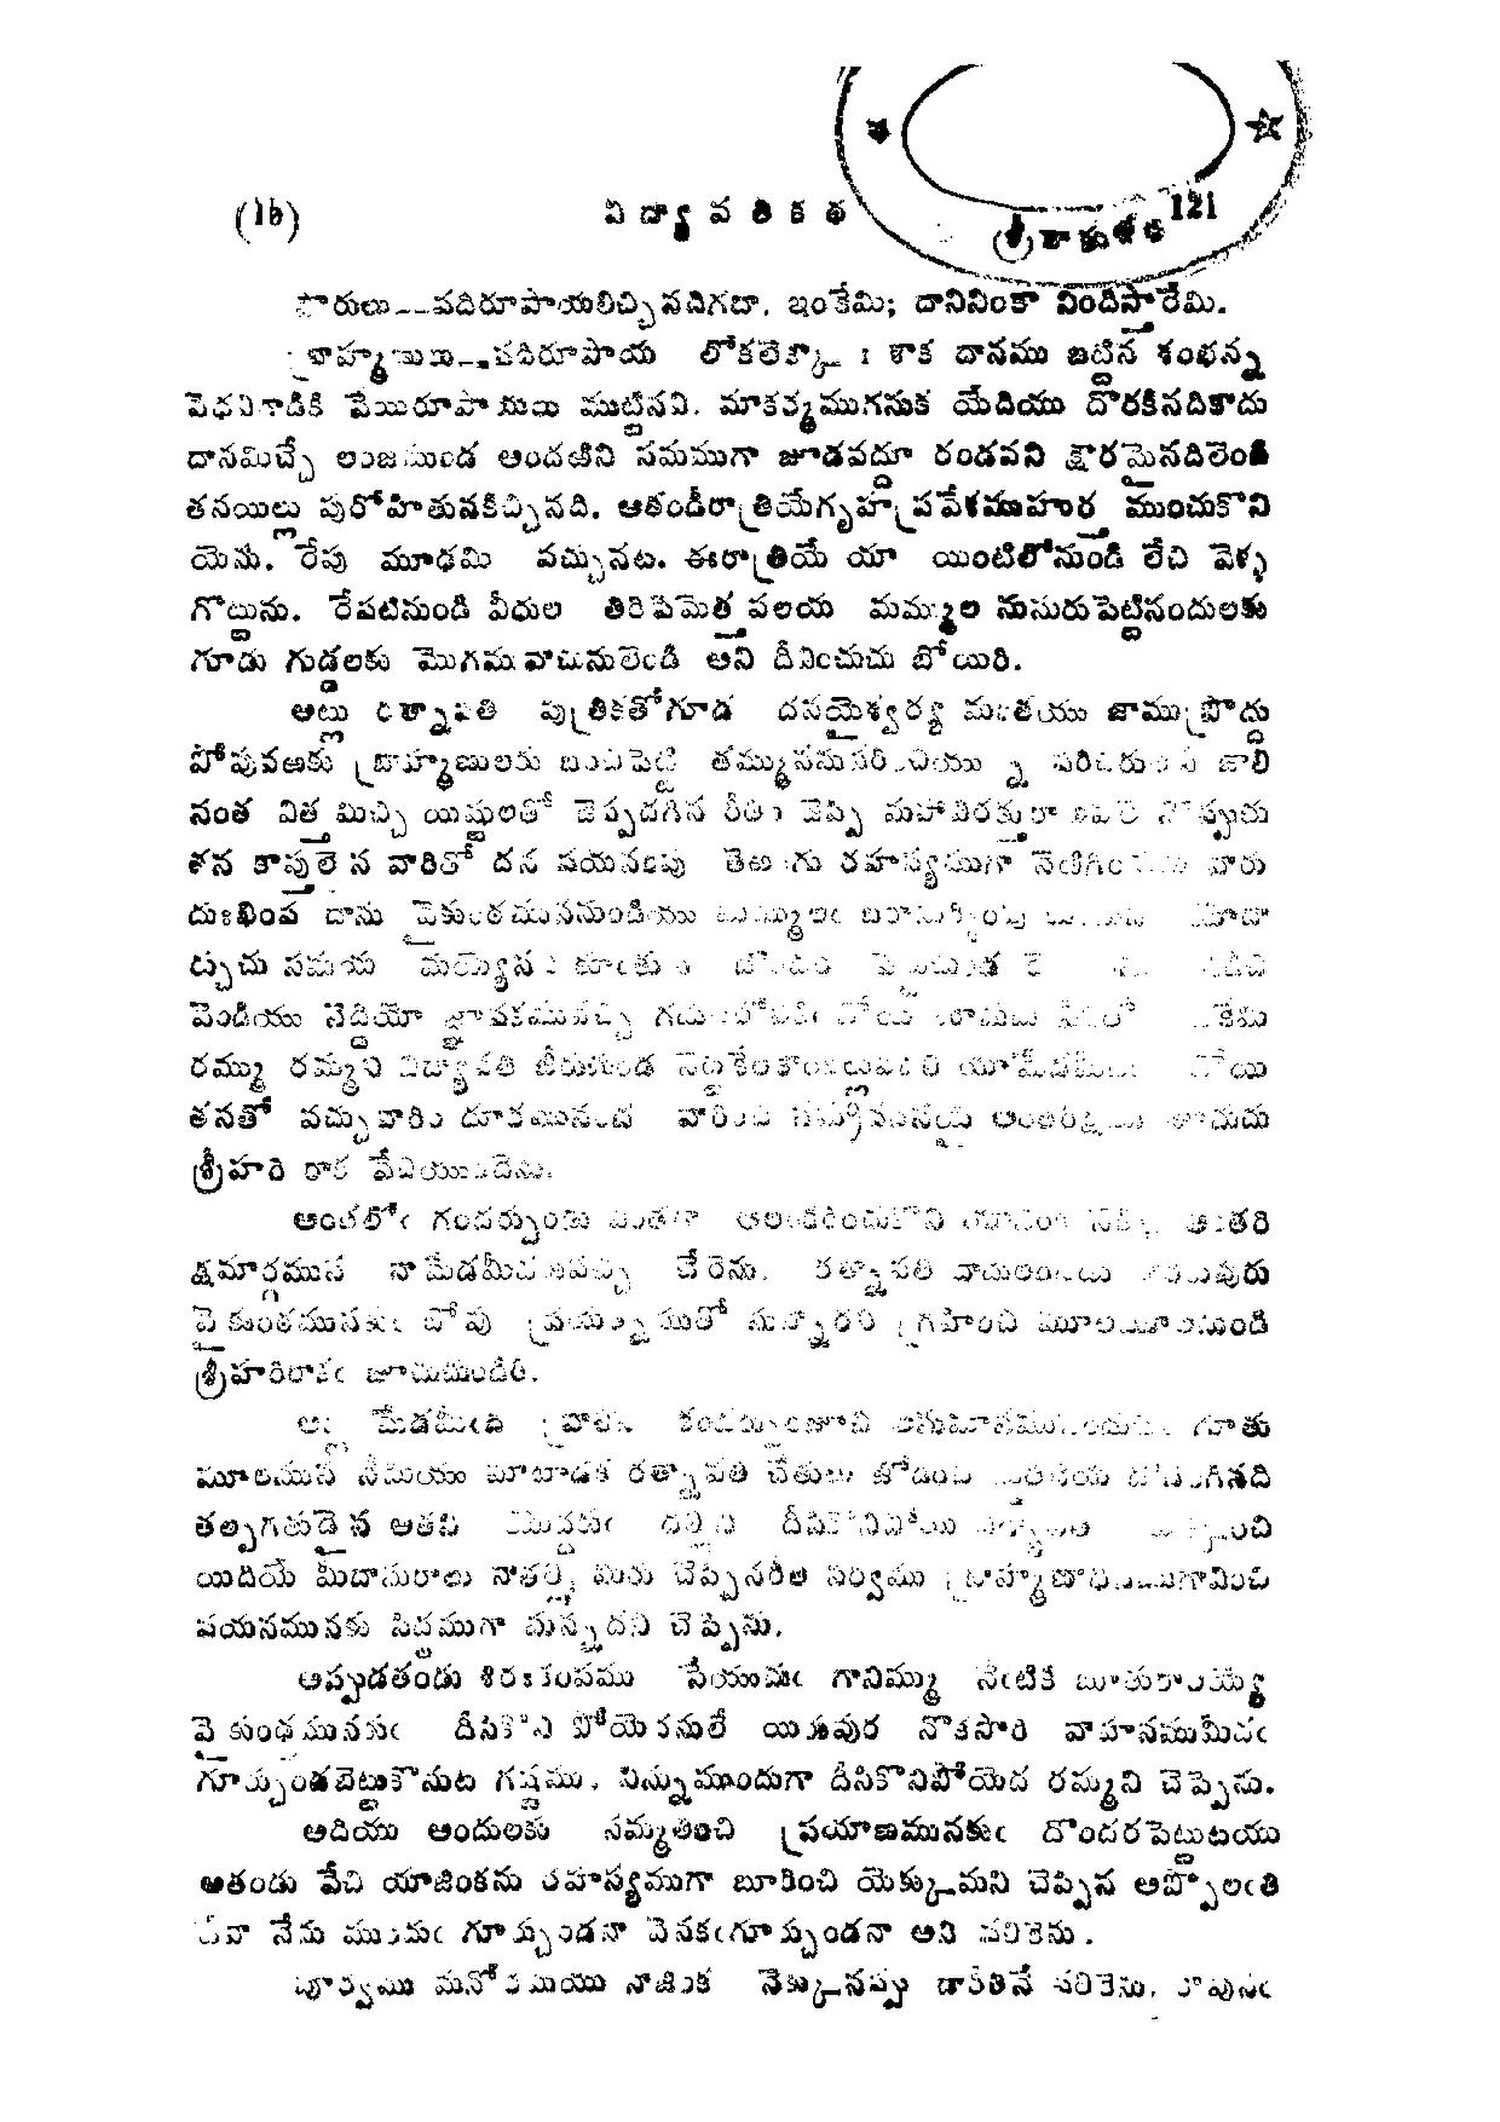పౌరులు -- పదిరూపాయ లిచ్చినదిగదా. ఇంకేమి; దానినింకా నిందిస్తారేమి.

బ్రాహ్మణులు - పదిరూపాయ లొకలెక్కా! శాకదానము బట్టిన శంభన్న వెధవగాడికి వేయిరూపాయలు ముట్టినవి. మాకర్మముగనుక యేదియు దొరకినదికాదు దానమిచ్చే లంజముండ అందఱిని సమముగా జూడవద్దూ రండవని క్షౌరమైనదిలెండి తనయిల్లు పురోహితున కిచ్చినది. ఆతం డీరాత్రియే గృహప్రవేశ ముహూర్త ముంచుకొనియెను. రేపు మూఢమి వచ్చునట. ఈరాత్రియే యా యింటిలోనుండి లేచి వెళ్ళగొట్టును. రేపటినుండి వీథుల తిరిపెమెత్తవలయు మమ్ముల నుసురుపెట్టినందులకు గూడు గుడ్డలకు మొగమువాచునులెండి అని దీవించుచు బోయిరి.

అట్లు రత్నావతి పుత్రికతోగూడ దనయైశ్వర్య మంతయు జాముప్రొద్దు పోవువఱకు బ్రాహ్మణులకు బంచిపెట్టి తమ్ము ననుసరించియున్న పరిచరులకు జాలినంత విత్త మిచ్చి యిష్టులతో జెప్పదగినరీతిం జెప్పి మహావిరక్తురాలివలె నొప్పుచు తన కాప్తులైనవారితో దన పయనంపు తెఱఁగు రహస్యముగా నెఱిగించియు వారు దుఃఖింప దాను వైకుంఠముననుండియు మిమ్ములఁ బరామర్శింపుచుందు నని యోదార్చుచు సమయ మయ్యెనని కూఁతురు దొందర పెట్టుచుండ రెండడుగులు నడిచి వెండియు నెద్దియో జ్ఞాపకమువచ్చి గదిలోపలికిఁ బోయి విరామము వీటితో నీకేమి రమ్ము రమ్మని విద్యావతి జీరుచుండ నెట్టకేల కాయిల్ లువదలి యామేడమేదకు బోయి తనతో వచ్చు వారిం దూరమునంద వారించి నటులు అంతరిక్షము జూచుచు శ్రీహరి రాక వేచియుండెను.

అంతలోఁ గందర్పుండు వింతగా అలంకరించుకొని యాజింక నెక్కి అంతరిక్షమార్గమున నామేడమీదకు వచ్చి చేరెను. రత్నావతి దాదులందఱు వారిరువురు వైకుంఠమునకుఁ బోవు ప్రయత్నముతో నున్నారని గ్రహించి మూలమూలనుండి శ్రీహరిరాకఁ జూచుచుండిరి.

అట్లు మేడమీఁద వ్రాలిన కందర్పుం జూచి అనుమానమునందుచు గూతు మూలమున నేమియు మాటాడక రత్నావతి చేతులు జోడించి స్తుతిచేయ దొడంగినది. తల్పగతుడైన అతని యొద్దకుఁ దల్లిని దీసికొనిపోయి విద్యావతి మ్రొక్కించి నమస్కరించి యిదియే మీదాసురాలు నాతల్లి, మీరు చెప్పినరీతి సర్వము బ్రాహ్మణాధీనము గావించి పయనమునకు సిద్దముగా నున్నదని చెప్పెను.

అప్పు డతండు శిరఃకంపము సేయుచుఁ గానిమ్ము నేఁటికి బూతురాలయ్యె. వైకుంఠమునకుఁ దీసికొని పోయెదనులే యిరువుర నొకసారి వాహనముమీదఁ గూర్చుండబెట్టుకొనుట గష్టము. నిన్నుముందుగా దీసికొనిపోయెద రమ్మని చెప్పెను.

అదియు అందులకు సమ్మతించి ప్రయాణమునకుఁ దొందరపెట్టుటయు అతండు వేచి యాజింకను రహస్యముగా బూరించి యెక్కుమని చెప్పిన అప్పొలఁతి దేవా నేను ముందుఁ గూర్చుండనా వెనకఁ గూర్చుండనా అని పలికెను.

పూర్వము మనోరమయు నాజింక నెక్కునప్పు డారీతినే పలికెను. కావునఁ